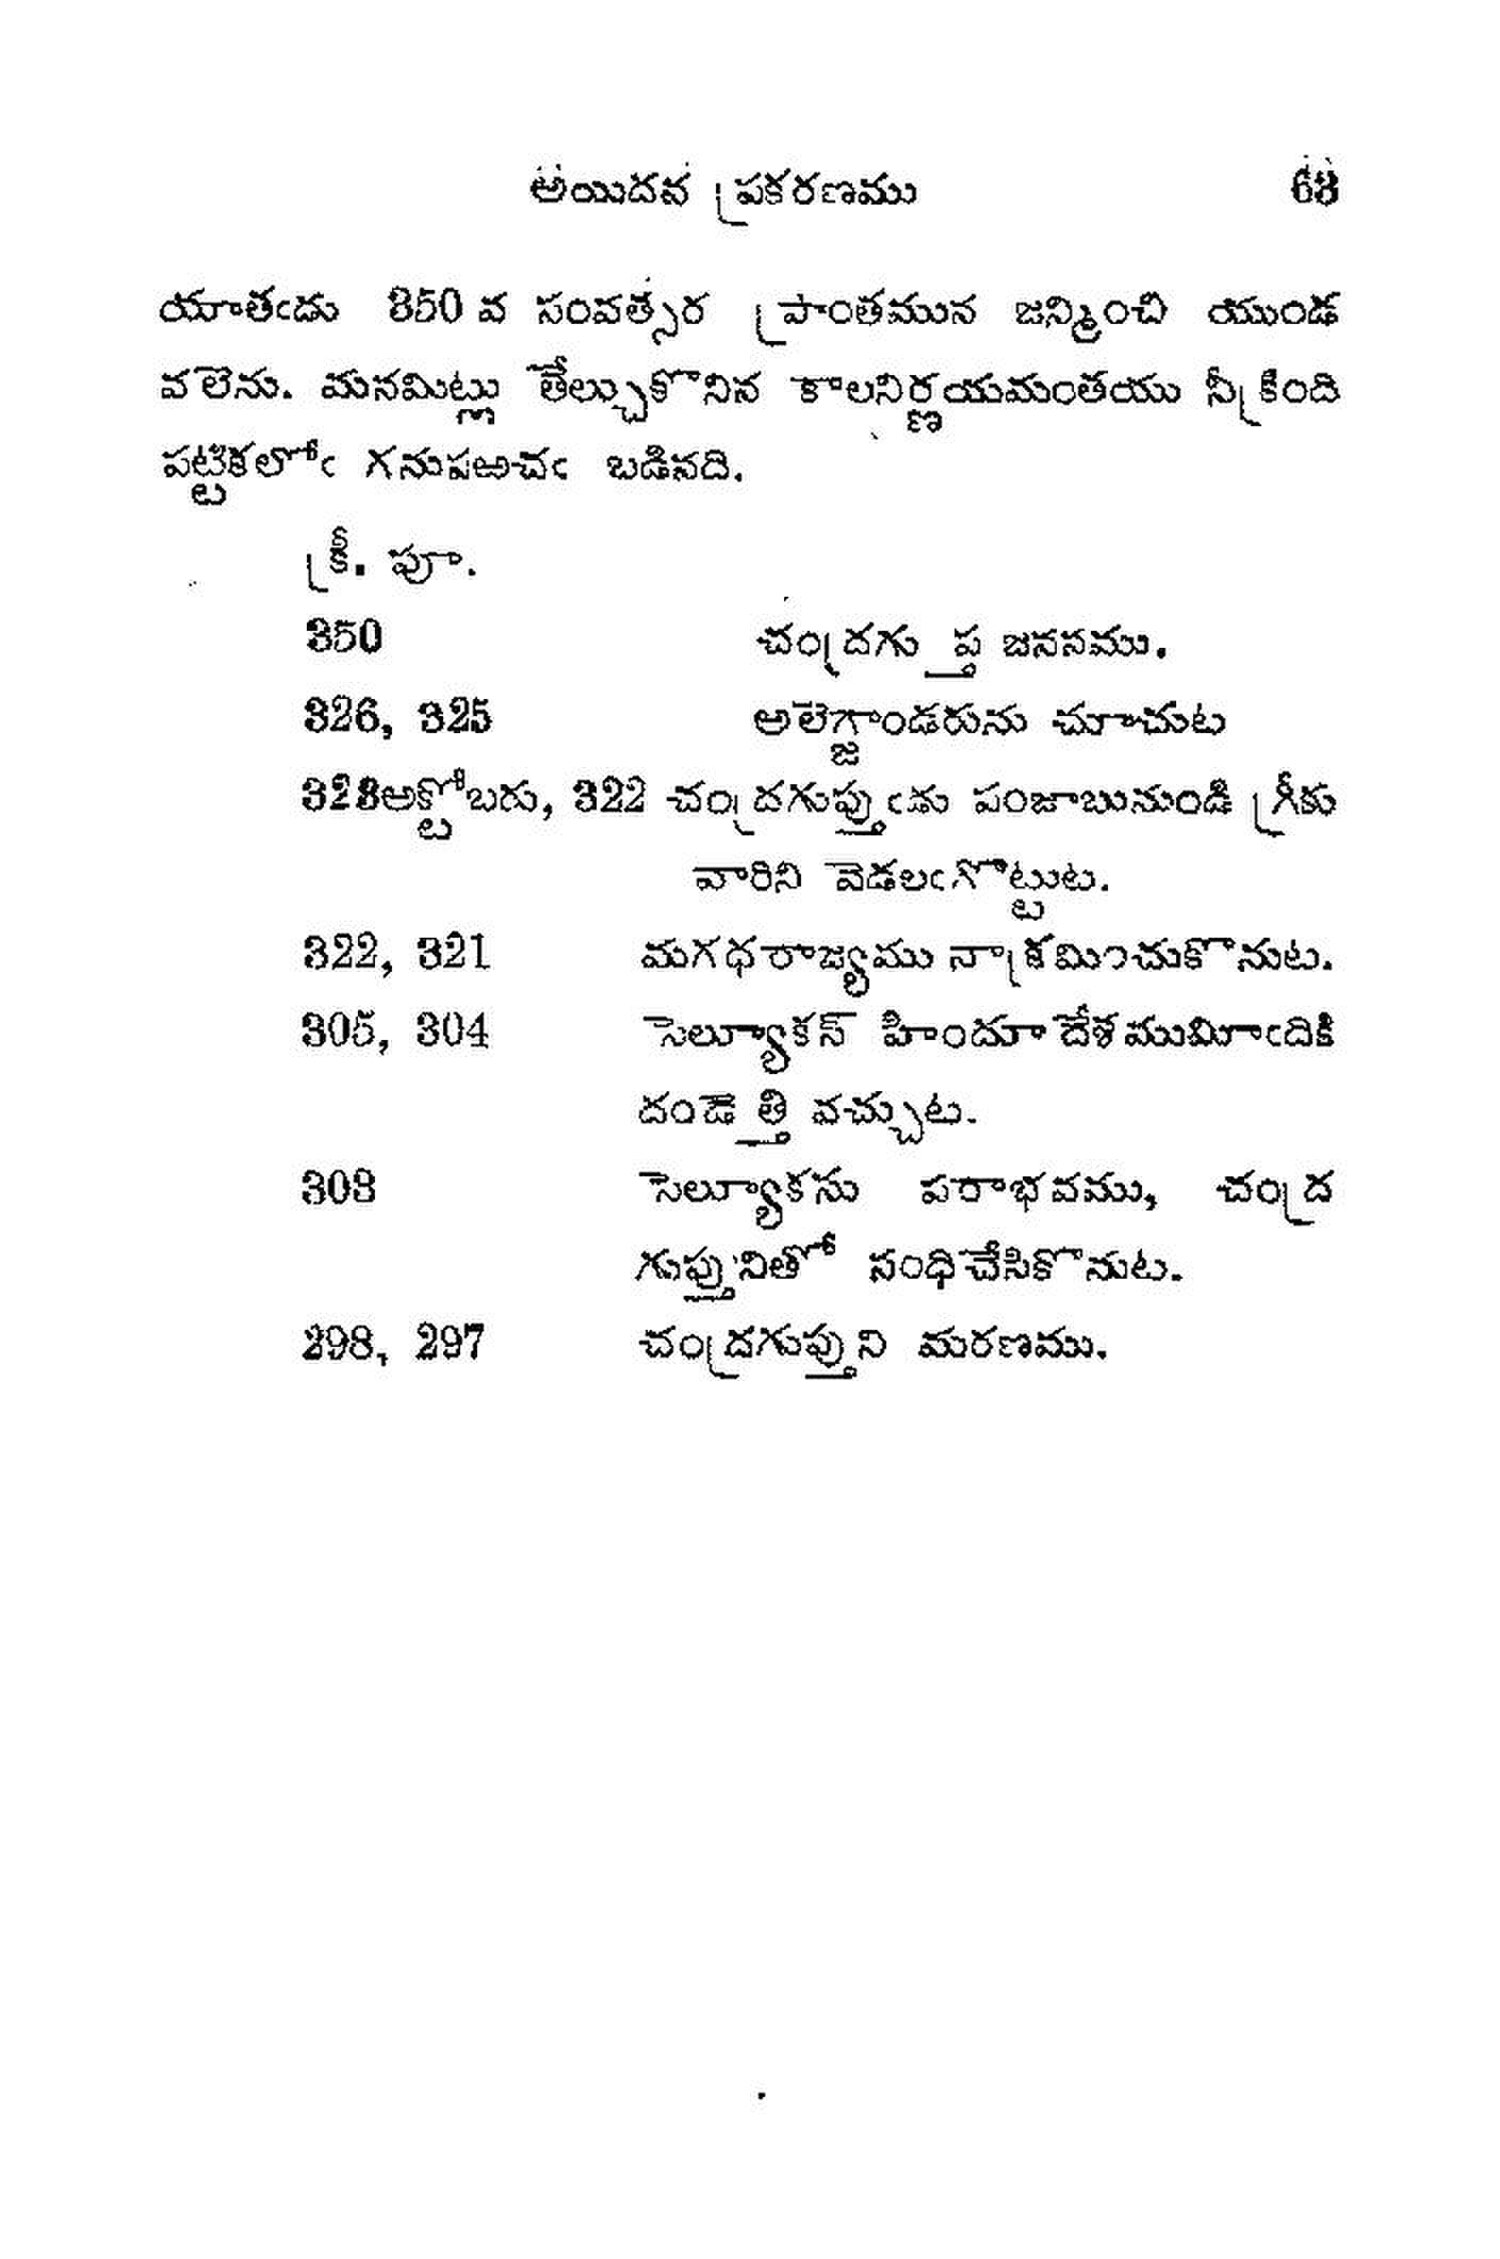యాతఁడు 350 వ సంవత్సర ప్రాంతమున జన్మించి యుండవలెను. మనమిట్లు తేల్చుకొనిన కాలనిర్ణయమంతయు నీక్రింది పట్టికలోఁ గనుపఱచఁ బడినది.

కీ. పూ.
350 చంద్రగుప్త జననము.
326, 325 అలెగ్జాండరును చూచుట
323 అక్టోబరు, 322 చంద్రగుప్తుఁడు పంజాబునుండి గ్రీకు వారిని వెడలఁగొట్టుట.
322, 321 మగధరాజ్యము నాక్రమించుకొనుట.
305, 304 సెల్యూకస్ హిందూదేశముమీదికి దండెత్తి వచ్చుట.
303 సెల్యూకసు పరాభవము, చంద్రగుప్తునితో సంధిచేసికొనుట.
298, 297 చంద్రగుప్తుని మరణము.